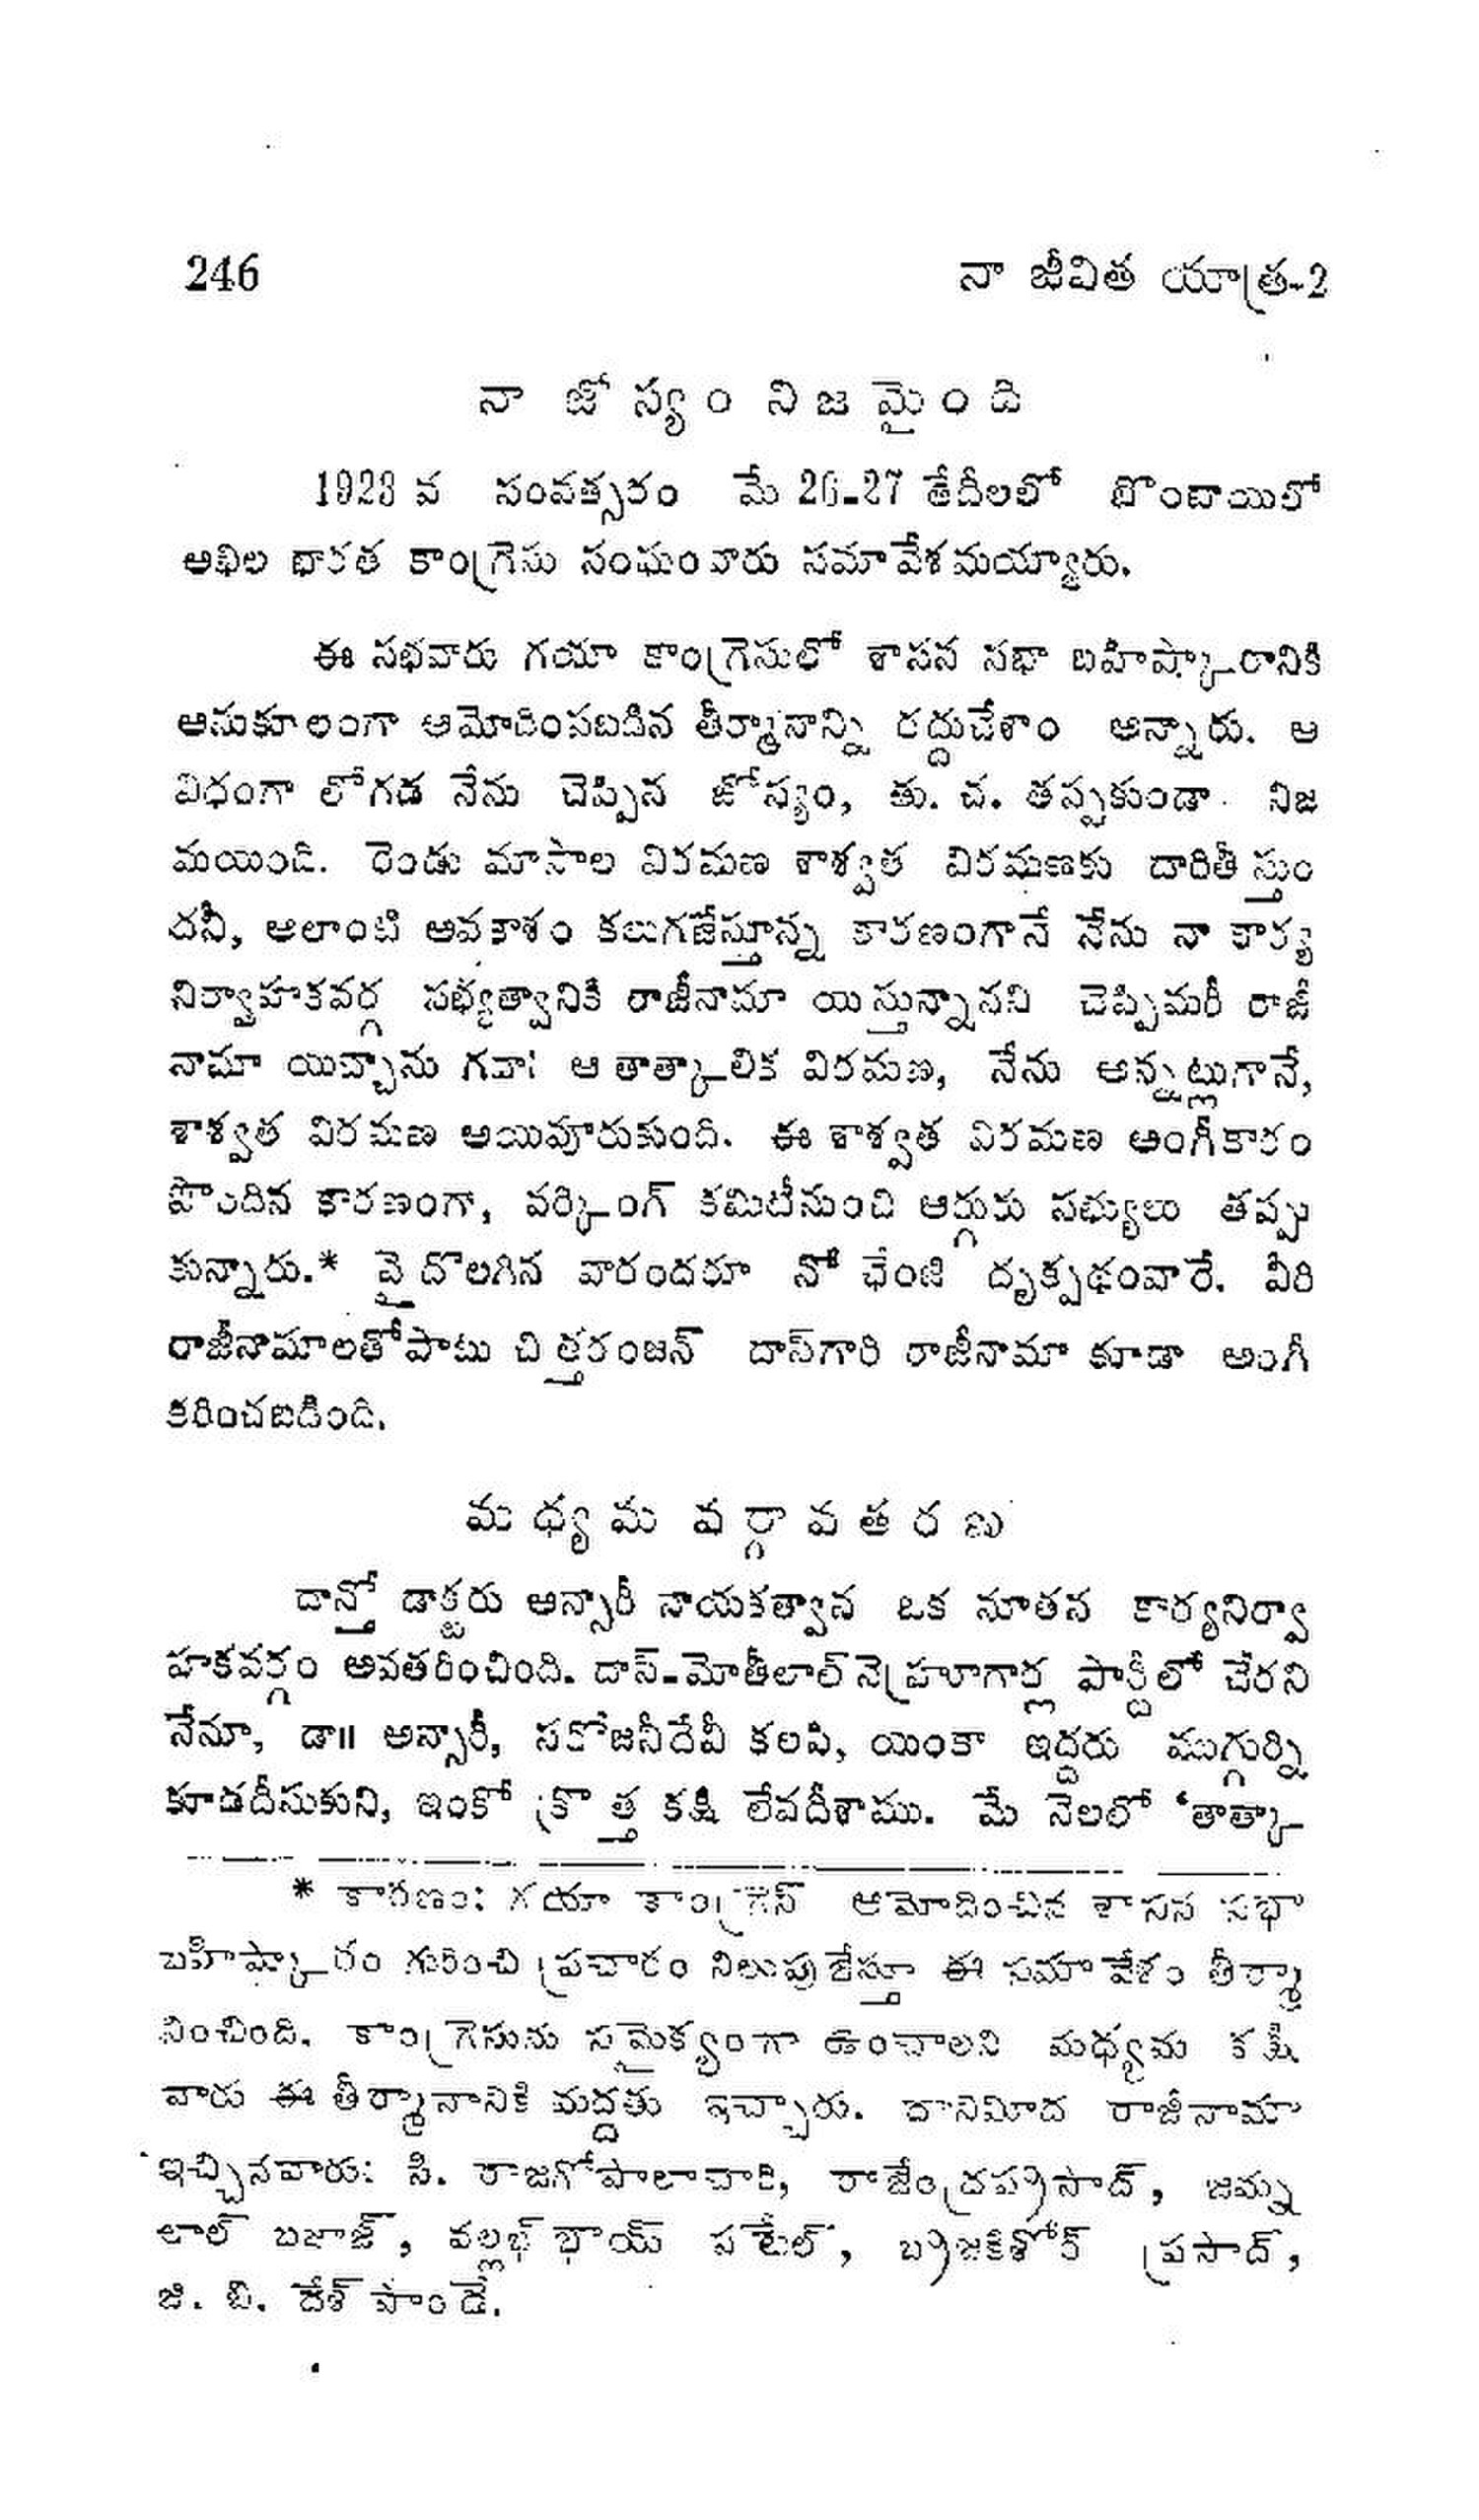1923 వ సంవత్సరం మే 26-27 తేదీలలో బొంబాయిలో అఖిల భారత కాంగ్రెసు సంఘంవారు సమావేశమయ్యారు.

ఈ సభవారు గయా కాంగ్రెసులో శాసన సభా బహిష్కారానికి అనుకూలంగా ఆమోదింపబడిన తీర్మానాన్ని రద్దుచేశాం అన్నారు. అ విధంగా లోగడ నేను చెప్పిన జోస్యం, తు.చ.తప్పకుండా నిజమయింది. రెండు మాసాల విరమణ శాశ్వత విరమణకు దారితీస్తుందనీ, అలాంటి అవకాశం కలుగజేస్తున్న కారణంగానే నేను నా కార్యనిర్వాహకవర్గ సభ్యత్వానికి రాజీనామా యిస్తున్నానని చెప్పిమరీ రాజీనామా యిచ్చాను గదా! ఆ తాత్కాలిక విరమణ, నేను అన్నట్లుగానే, శాశ్వత విరమణ అయివూరుకుంది. ఈ శాశ్వత విరమణ అంగీకారం పొందిన కారణంగా, వర్కింగ్ కమిటీనుంచి ఆర్గురు సభ్యులు తప్పుకున్నారు. వైదొలగిన వారందరూ నో చేంజి దృక్పథంవారే. వీరి రాజీనామాలతోపాటు చిత్తరంజన్ దాస్‌గారి రాజీనామా కూడా అంగీకరింపబడింది.

దాన్తో డాక్టరు అన్సారీ నాయకత్వాన ఒక నూతన కార్యనిర్వాహకవర్గం అవతరించింది. దాస్-మోతిలాల్‌నెహ్రూగార్ల పార్టీలో చేరని నేనూ, డా॥అన్సారీ, సరోజనీదేవీ కలసి, యింకా ఇద్దరు ముగ్గుర్ని కూడదీసుకుని, ఇంకో క్రొత్త కక్షి లేవదీశాము. మే నెలలో "తాత్కా